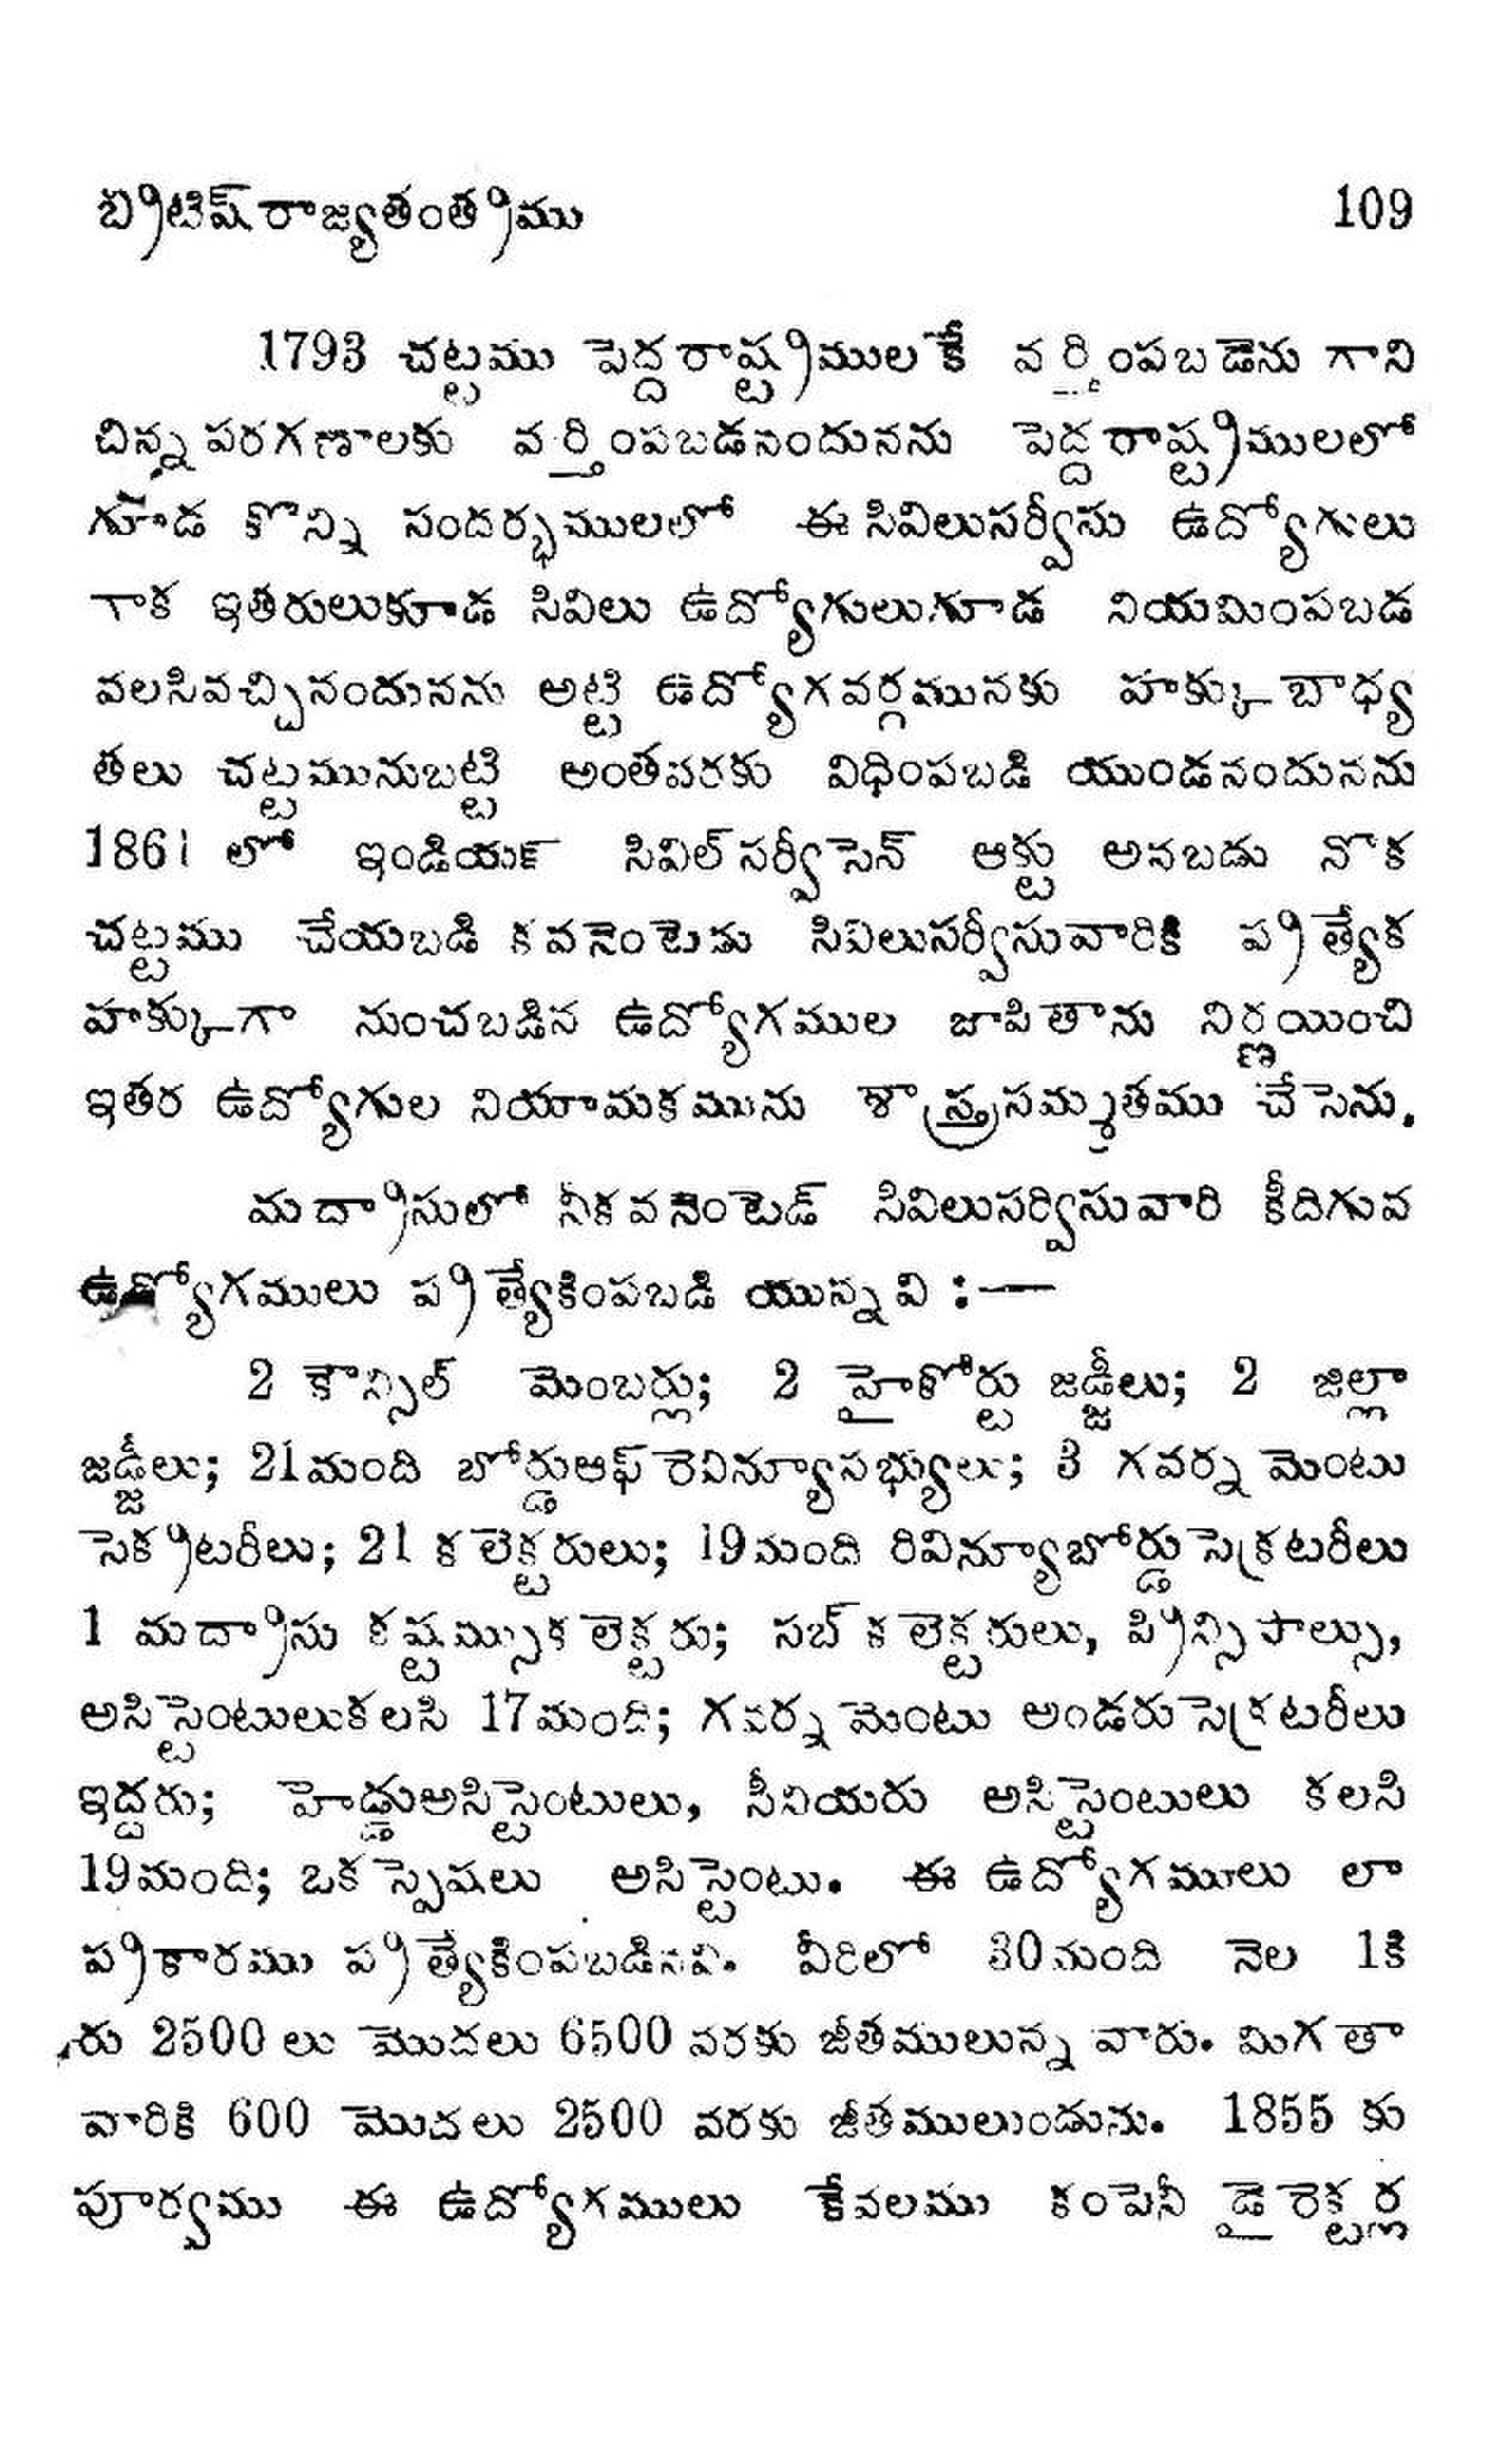1793 చట్టము పెద్దరాష్ట్రములకే వర్తింపబడెను గాని చిన్న పరగణాలకు వర్తింపబడనందునను పెద్దరాష్ట్రములలో గూడ కొన్ని సందర్భములలో ఈ సివిలుసర్వీసు ఉద్యోగులు గాక ఇతరులుకూడ సివిలు ఉద్యోగులుగూడ నియమింపబడ వలసివచ్చినందునను అట్టి ఉద్యోగవర్గమునకు హక్కు బాధ్యతలు చట్టమునుబట్టి అంతవరకు విధింపబడి యుండనందునను 1861 లో ఇండియ౯ సివిల్‌సర్వీసెన్ ఆక్టు అనబడు నొక చట్టము చేయబడి కవనెంటెడు సిపిలుసర్వీసువారికి ప్రత్యేక హక్కుగా నుంచబడిన ఉద్యోగముల జాపితాను నిర్ణయించి ఇతర ఉద్యోగుల నియామకమును శాస్త్రసమ్మతము చేసెను.

మద్రాసులో నీకవనెంటెడ్ సివిలుసర్విసువారి కీదిగువ ఉద్యోగములు ప్రత్యేకింపబడి యున్నవి :--

2 కౌన్సిల్ మెంబర్లు, 2 హైకోర్టు జడ్జీలు; 2 జిల్లా జడ్జీలు; 21 మంది బోర్డుఆఫ్ రెవిన్యూసభ్యులు; 3 గవర్నమెంటు
సెక్రటరీలు; 21 కలెక్టరులు; 19 మంది రివిన్యూబోర్డు సెక్రటరీలు 1 మద్రాసు కష్టమ్సుకలెక్టరు; సబ్ కలెక్టరులు, ప్రిన్సిపాల్సు, అసిస్టెంటులుకలసి 17 మంది; గవర్నమెంటు అండరు సెక్రటరీలు ఇద్దరు; హెడ్డుఅసిస్టెంటులు, సీనియరు అసిస్టెంటులు కలసి 19మంది; ఒక స్పెషలు అసిస్టెంటు. ఈ ఉద్యోగములు లా ప్రకారము ప్రత్యేకింపబడినవి. వీరిలో 30 మంది. నెల 1కి రు 2500 లు మొదలు 6500 వరకు జీతములున్న వారు. మిగతా వారికి 600 మొదలు 2500 వరకు జీతములుండును. 1855 కు పూర్వము ఈ ఉద్యోగములు కేవలము కంపెనీ డైరెక్టర్ల